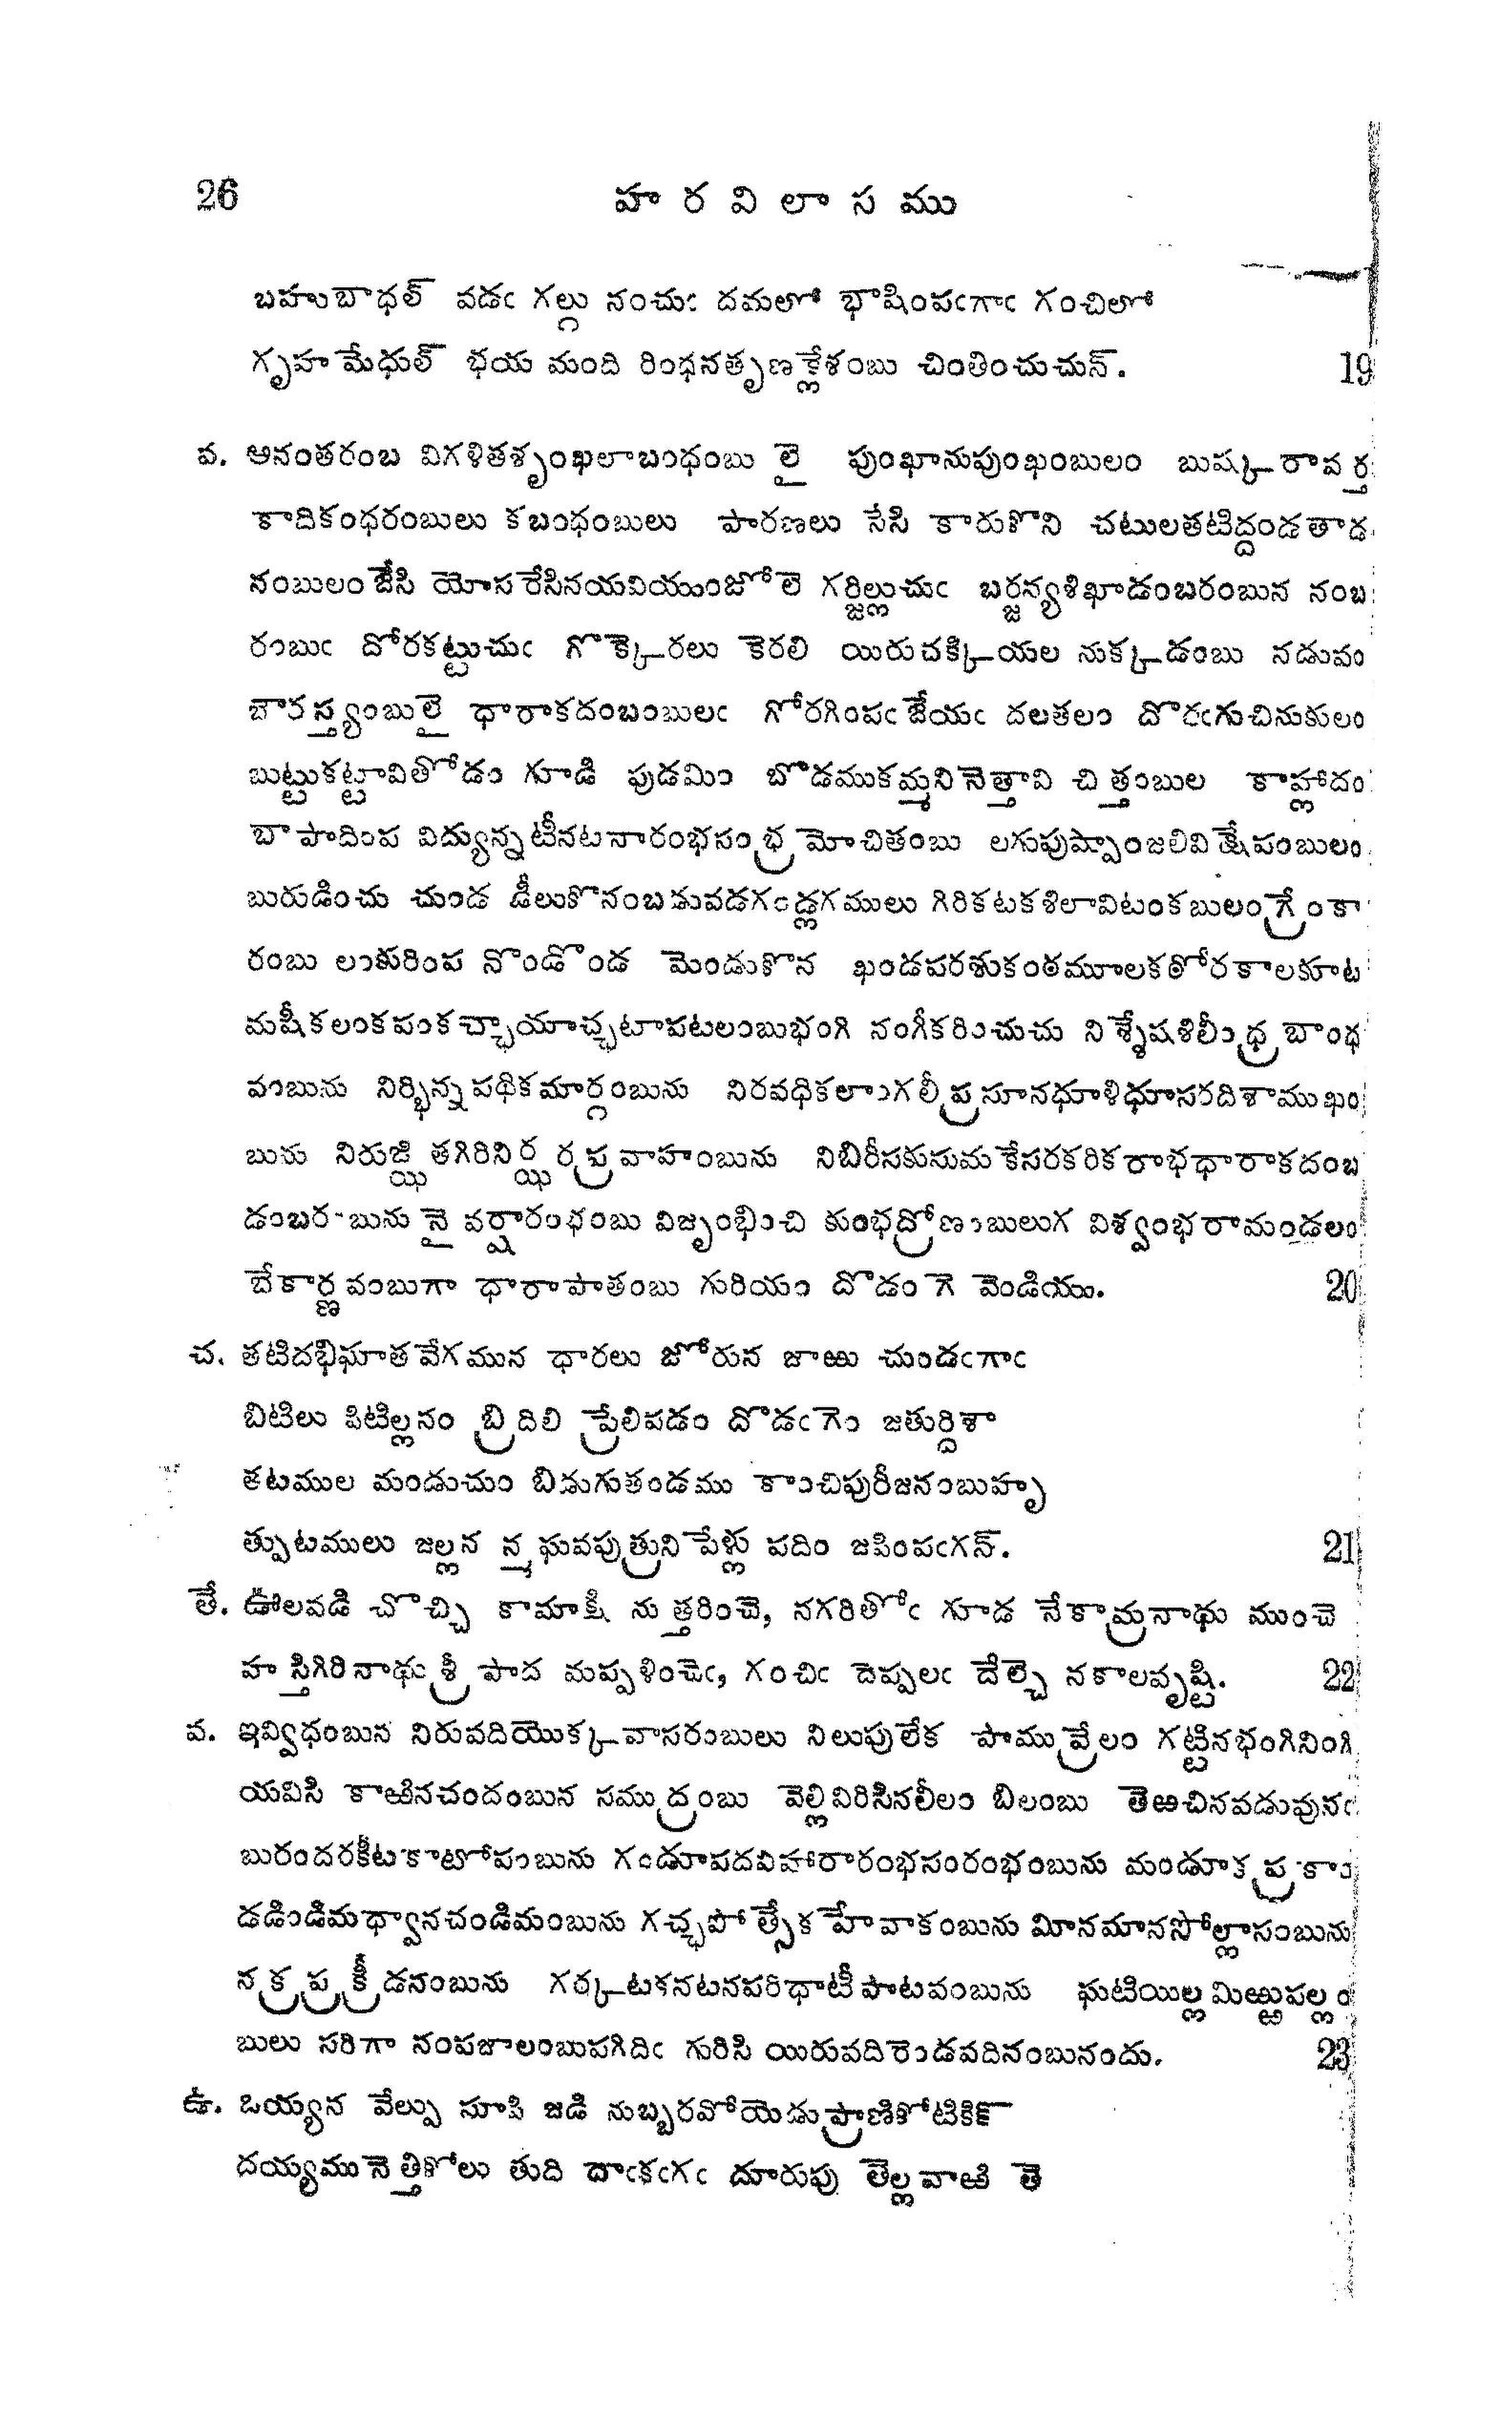బహుబాధల్ వడఁ గల్గు నంచుఁ దమలో భాషింపఁగాఁ గంచిలో
గృహమేధుల్ భయ మంది రింధనతృణక్లేశంబు చింతించుచున్. 19

వ. అనంతరంబ విగళితశృంఖలాబంధంబులై పుంఖానుపుంఖంబులం బుష్కరావర్తకాదికంధరంబులు కబంధంబులు పారణలు సేసి కారుకొని చటులతటిద్దండతాడనంబులం జేసి యోసరేసినయవియుంబోలె గర్జిల్లుచుఁ బర్జన్యశిఖాడంబరంబున నంబరంబుఁ దోరకట్టుచుఁ గొక్కెరలు కెరలి యిరుచక్కియన నుక్కడంబు నడువం బౌరస్త్యంబులై ధారాకదంబంబులఁ గోరగింపఁజేయఁ దలతలం దొరఁగుచినుకులం బుట్టుకట్టావితోడం గూడి పుడమిం బొడముకమ్మనినెత్తావి చిత్తంబుల కాహ్లాదం బాపాదింప విద్యున్నటీనటనారంభసంభ్రమోచితంబులగు పుష్పాంజలివిక్షేపంబులం బురుడించుచుండ డీలుకొనంబడు వడగండ్లగములు గిరికటకశిలావిటంకంబులం గ్రేంకారంబు లంకురింప నొండొండ మెండుకొన ఖండపరశుకంఠమూలకఠోరకాలకూటమషీకలంకపంకచ్ఛాయాచ్ఛటాపటలంబుభంగి నంగీకరించుచు నిశ్శేషశిలీంధ్రభాంధవంబును నిర్భిన్నపథికమార్గంబును నిరవధికలాంగలీప్రసూనధూళిధూసరదిశాముఖంబును నిరుజ్ఝితగిరినిర్ఝరప్రవాహంబును నిబిరీసకుసుమకేసరకరికరాభధారాకదంబడంబరంబునునై వర్షారంభంబు విజృంభించి కుంభద్రోణంబులుగ విశ్వంభరామండలం బేకార్ణవంబుగా ధారాపాతంబు గురియం దొడంగె వెండియు. 20

చ. తటిదభిఘాతవేగమున ధారలు జోరున జాఱుచుండఁగాఁ
బిటిలు పిటిల్లనం బ్రిదిలి ప్రేలిపడం దొడఁగెం జతుర్దిశా
తటముల మండుచుం బిడుగుతండము కాంచిపురీజనంబు హృ
త్పుటములు జల్లన న్మఘవపుత్రునిపేళ్ళు పదిం జపింపఁగన్. 21

తే. ఊల వడఁజొచ్చెఁ గామాక్షి నొత్తరించి, నగరితోఁ గూడ నేకామ్రనాథు ముంచె
హస్తిగిరినాథు శ్రీపాద మప్పళించెఁ, గంచిఁ దెప్పలఁ దేల్చె నకాలవృష్టి. 22

వ. ఇవ్విధంబున నిరువదియొక్కవాసరంబులు నిలుపులేక పామువ్రేలం గట్టినభంగి నింగి యవిసి కాఱినచందంబున సముద్రంబు వెల్లివిరిసినలీలం బిలంబు తెఱచినవడువునఁ బురందరకీటకాటోపంబును గండూపదవిహారారంభసంరంభంబును మండూకప్రకాండడిండిమధ్వానచండిమంబును గచ్ఛపోత్సేకహేవాకంబును మీనమానసోల్లాసంబును నక్రప్రక్రీడనంబును గర్కటకనటనపరిధాటీపాటవంబును ఘటియిల్ల మిఱ్ఱుపల్లంబులు సరిగా నంపజాలంబుపగిదిఁ గురిసి యిరువదిరెండవదినంబునందు. 23

ఉ. ఒయ్యన వేల్పు సూపె జడి నుబ్బరవోయెడుప్రాణికోటికిన్
దయ్యమునెత్తికోలు తుది దాఁకఁగఁ దూరుపు తెల్లవాఱి తె